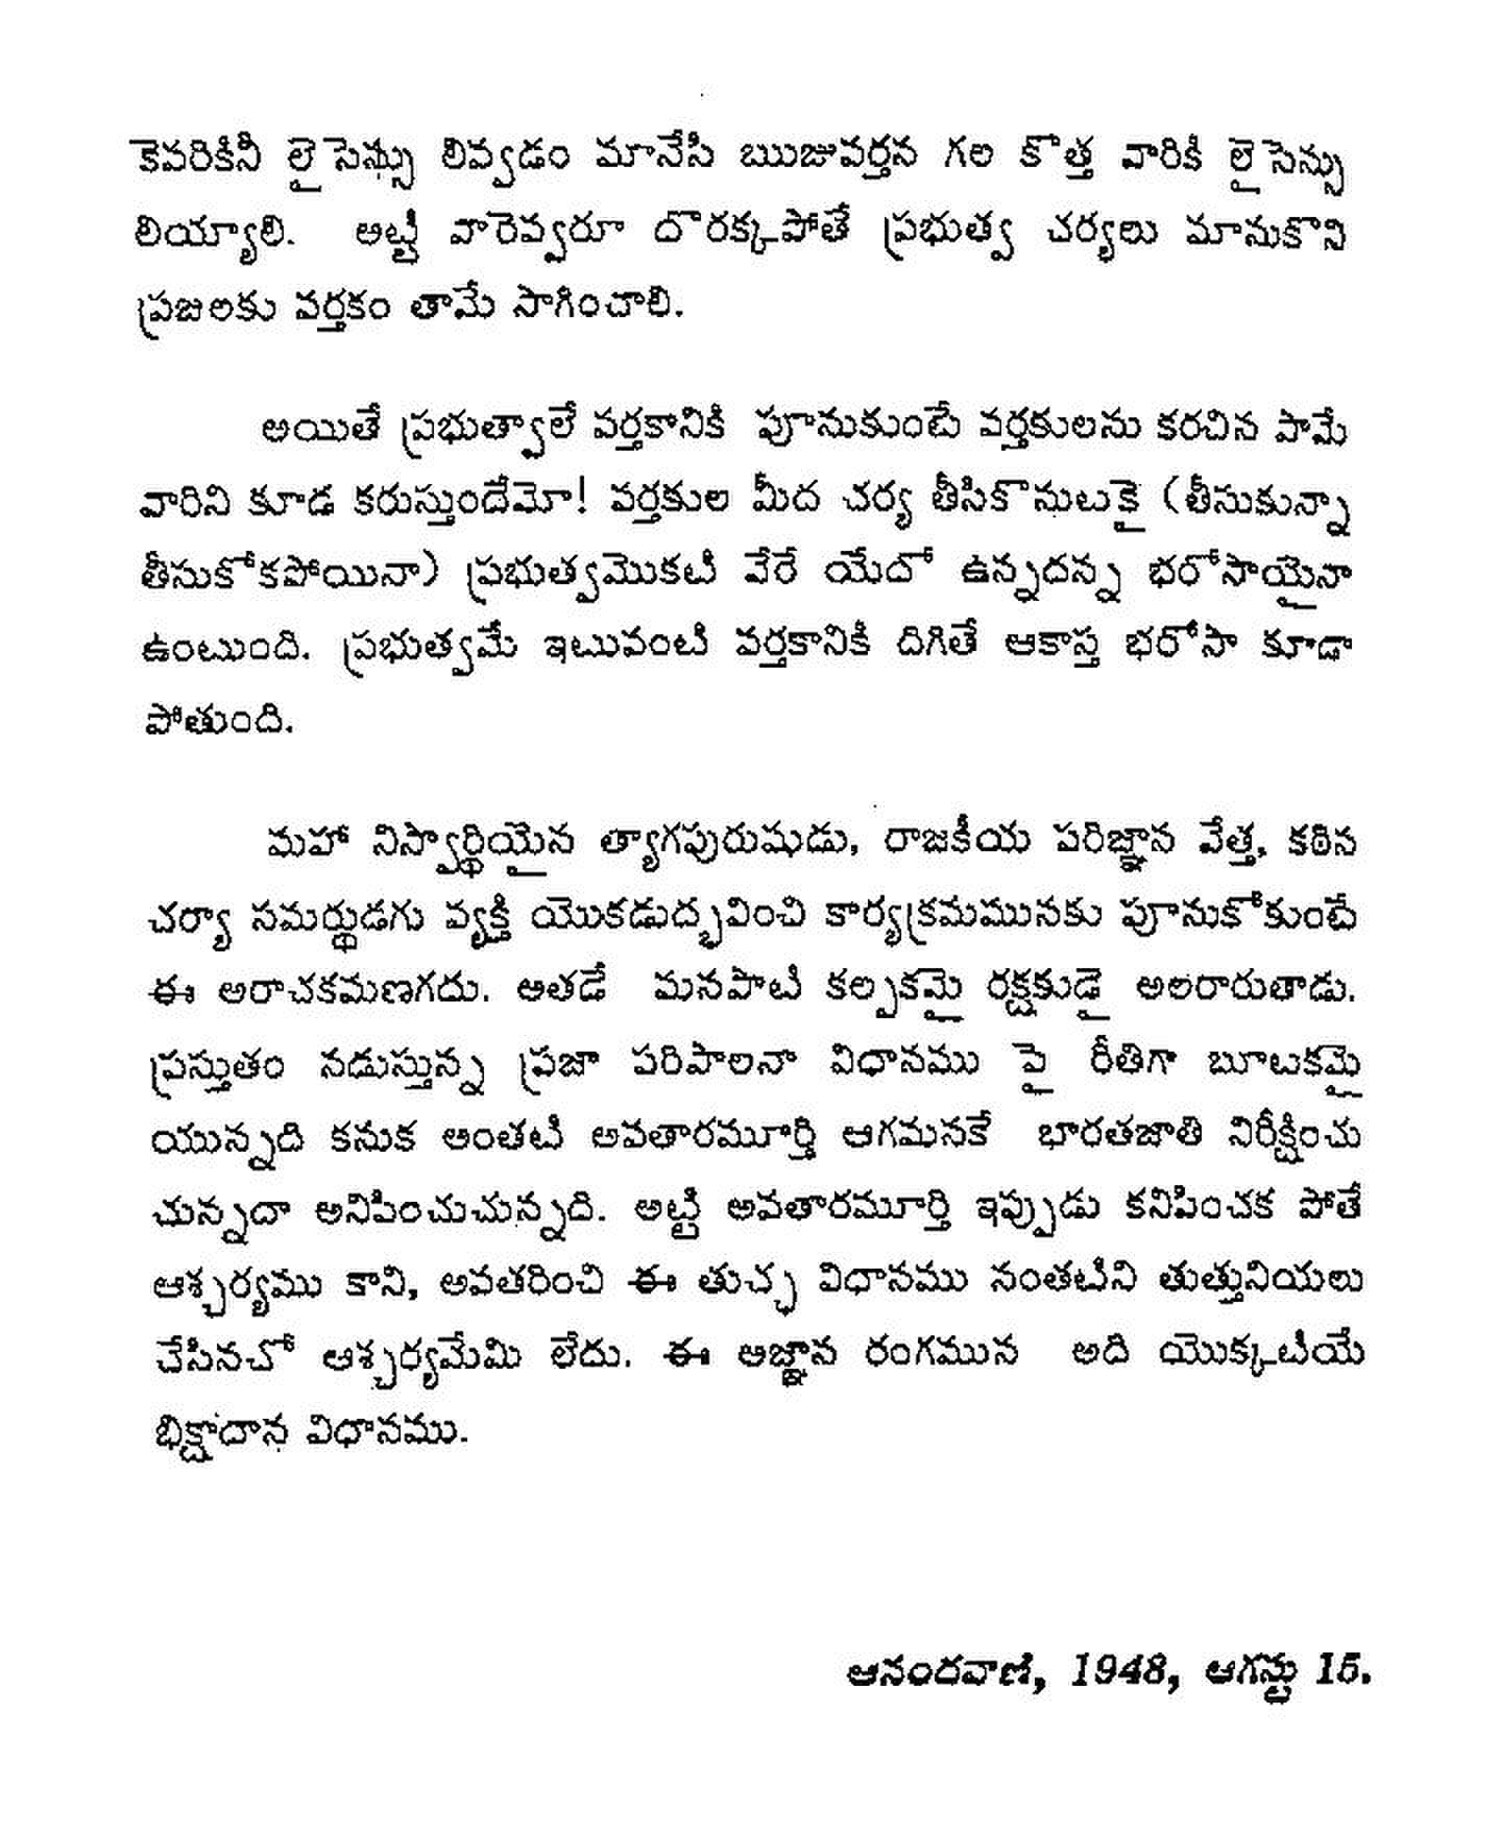కెవరికినీ లైసెన్సు లివ్వడం మానేసి ఋజువర్తన గల కొత్త వారికి లైసెన్సు లియ్యాలి. అట్టి వారెవ్వరూ దొరక్కపోతే ప్రభుత్వ చర్యలు మానుకొని ప్రజలకు వర్తకం తామే సాగించాలి.

అయితే ప్రభుత్వాలే వర్తకానికి పూనుకుంటే వర్తకులను కరచిన పామే వారిని కూడా కరుస్తుందేమో! వర్తకుల మీద చర్య తీసికొనుటకై (తీసుకున్నా తీసుకోకపోయినా) ప్రభుత్వమొకటి వేరే యేదో ఉన్నదన్న భరోసాయైనా ఉంటుంది. ప్రభుత్వమే ఇటువంటి వర్తకానికి దిగితే ఆకాస్త భరోస కూడా పోతుంది.

మహా నిస్వార్థియైన త్యాగపురుషుడు, రాజకీయ పరిజ్ఞాన వేత్త కఠినచర్యా సమర్థుడగు వ్యక్తి యొకడుద్భవించి కార్యక్రమమునకు పూనుకుంటే ఈ అరాచకమణగదు. అతడే మనపాటి కల్పకమై రక్షకుడై అలరారుతాడు. ప్రస్తుతం నడుస్తున్న ప్రజా పరిపాలనా విధానము పై రీతిగా బూటకమై యున్నది కనుక అంతటి అవతారమూర్తి ఆగమనకే భారతజాతి నిరీక్షించు చున్నదా అనిపించుచున్నది. అట్టి అవతారమూర్తి ఇప్పుడు కనిపించక పోతే ఆశ్చర్యము కాని, అవతరించి ఈ తుచ్ఛ విధానము నంతటిని తుత్తునియలు చేసినచో ఆశ్చర్యమేమీ లేదు. ఈ అజ్ఞాన రంగమున అది యొక్కటియే భిక్షాదాన విధానము